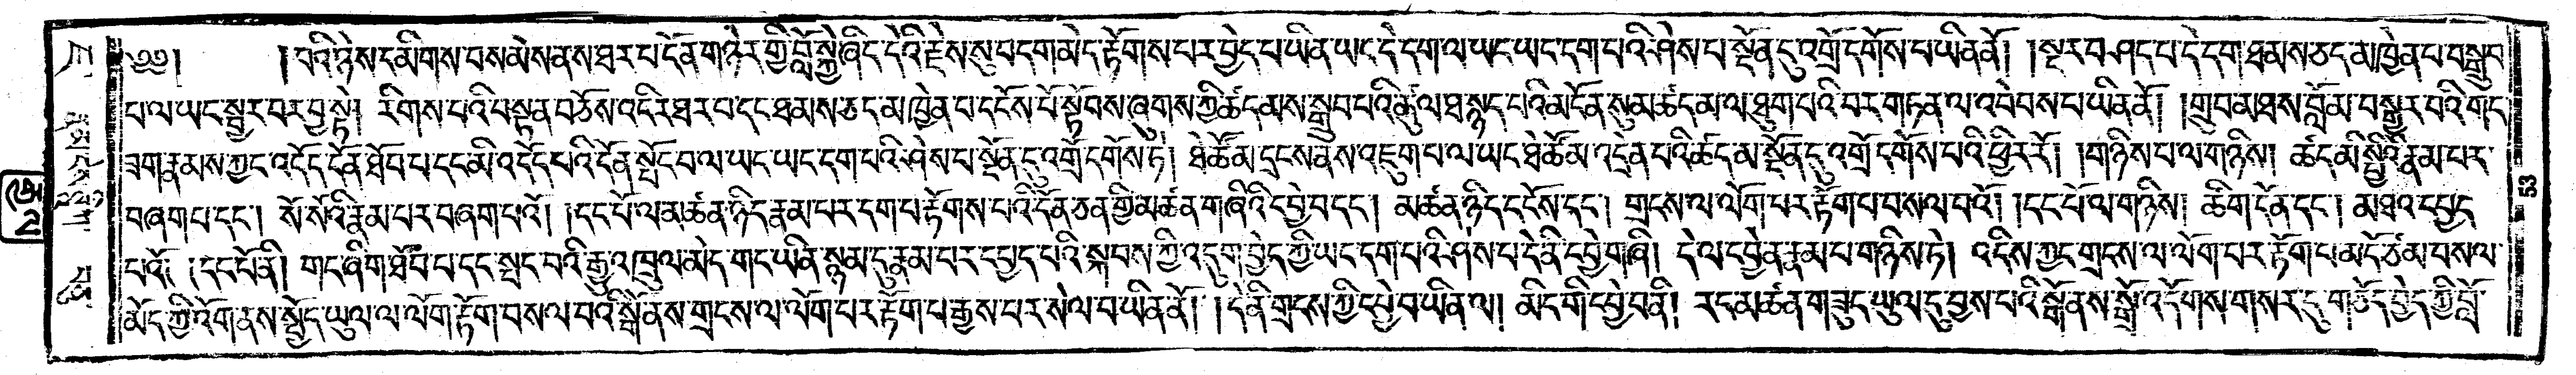༄༅། །བའི་ཉེས་དམིགས་པས་མས་ནས་ཐར་པ་དོན་གཉེར་གྱི་བློ་སྐྱེ་ཞིང་དེའི་རྗེས་སུ་བདག་མེད་རྟོགས་པར་བྱེད་པ་ཡིན་ཡང་དེ་དག་ལ་ཡང་ཡང་དག་པའི་ཤེས་པ་སྔོན་དུ་འགྲོ་དགོས་པ་ཡིན་ནོ། །སྔར་བཤད་པ་དེ་དག་ཐམས་ཅད་མཁྱེན་པ་བསྒྲུབ་
པ་ལ་ཡང་སྦྱར་བར་བྱ་སྟེ། རིགས་པའི་བསྟན་བཅོས་འདིར་ཐར་བ་དང་ཐམས་ཅད་མཁྱེན་པ་དངོས་པོ་སྟོབས་ཞུགས་ཀྱི་ཚད་མས་སྒྲུབ་པའི་ཚུལ་ཐ་སྙད་པའི་མངོན་སུམ་ཚད་མ་ལ་ཐུག་པའི་བར་གཏན་ལ་འབེབས་པ་ཡིན་ནོ། །གྲུབ་མཐས་བློ་མ་བསྒྱུར་བའི་གང་
ཟག་རྣམས་ཀྱང་འདོད་དོན་ཐོབ་པ་དང་མི་འདོད་པའི་དོན་སྤོང་བ་ལ་ཡང་ཡང་དག་པའི་ཤེས་པ་སྔོན་དུ་འགྲོ་དགོས་ཏེ། ཐེ་ཚོམ་དྲངས་ནས་འཇུག་པ་ལ་ཡང་ཐེ་ཚོམ་འདྲེན་པའི་ཚད་མ་སྔོན་དུ་འགྲོ་དགོས་པའི་ཕྱིར་རོ། །གཉིས་པ་ལ་གཉིས། ཚད་མི་སྤྱིའི་རྣམ་པར་
བཞག་པ་དང་། སོ་སོའི་རྣམ་པར་བཞག་པའོ། །དང་པོ་ལ་མཚན་ཉིད་རྣམ་པར་དག་པ་རྟོགས་པའི་དོན་ཅན་གྱི་མཚན་གཞིའི་དབྱེ་བ་དང་། མཚན་ཉིད་དངོས་དང་། གྲངས་ལ་ལོག་པར་རྟོག་པ་བསལ་བའོ། །དང་པོ་ལ་གཉིས། ཚིག་དོན་དང་། མཐའ་དཔྱད་
པའོ། །དང་པོ་ནི། གང་ཞིག་ཐོབ་པ་དང་སྤང་བའི་རྒྱུ་འཁྲུལ་མེད་གང་ཡིན་སྙམ་དུ་རྣམ་པར་དཔྱད་པའི་སྐབས་ཀྱི་འདུག་བྱེད་ཀྱི་ཡང་དག་པའི་ཤེས་པ་དེ་ནི་དབྱེ་གཞི། དེ་ལ་དབྱེ་ན་རྣམ་པར་གཉིས་ཏེ། འདིས་ཀྱང་གྲངས་ལ་ལོག་པར་རྟོག་པ་མདོ་ཙམ་བསལ་
མོད་ཀྱི་འོག་ནས་སྤྱོད་ཡུལ་ལ་ལོག་རྟོག་བསལ་བའི་སྒོ་ནས་གྲངས་ལ་ལོག་པར་རྟོག་པ་རྒྱས་པར་སེལ་བ་ཡིན་ནོ། །དེ་ནི་གྲངས་ཀྱི་དབྱེ་བ་ཡིན་ལ། མིང་གི་དབྱེ་བ་ནི། རང་མཚན་གཟུང་ཡུལ་དུ་བྱས་པའི་སྒོ་ནས་སྒྲོ་འདོགས་གསར་དུ་གཅོད་བྱེད་ཀྱི་བློ་